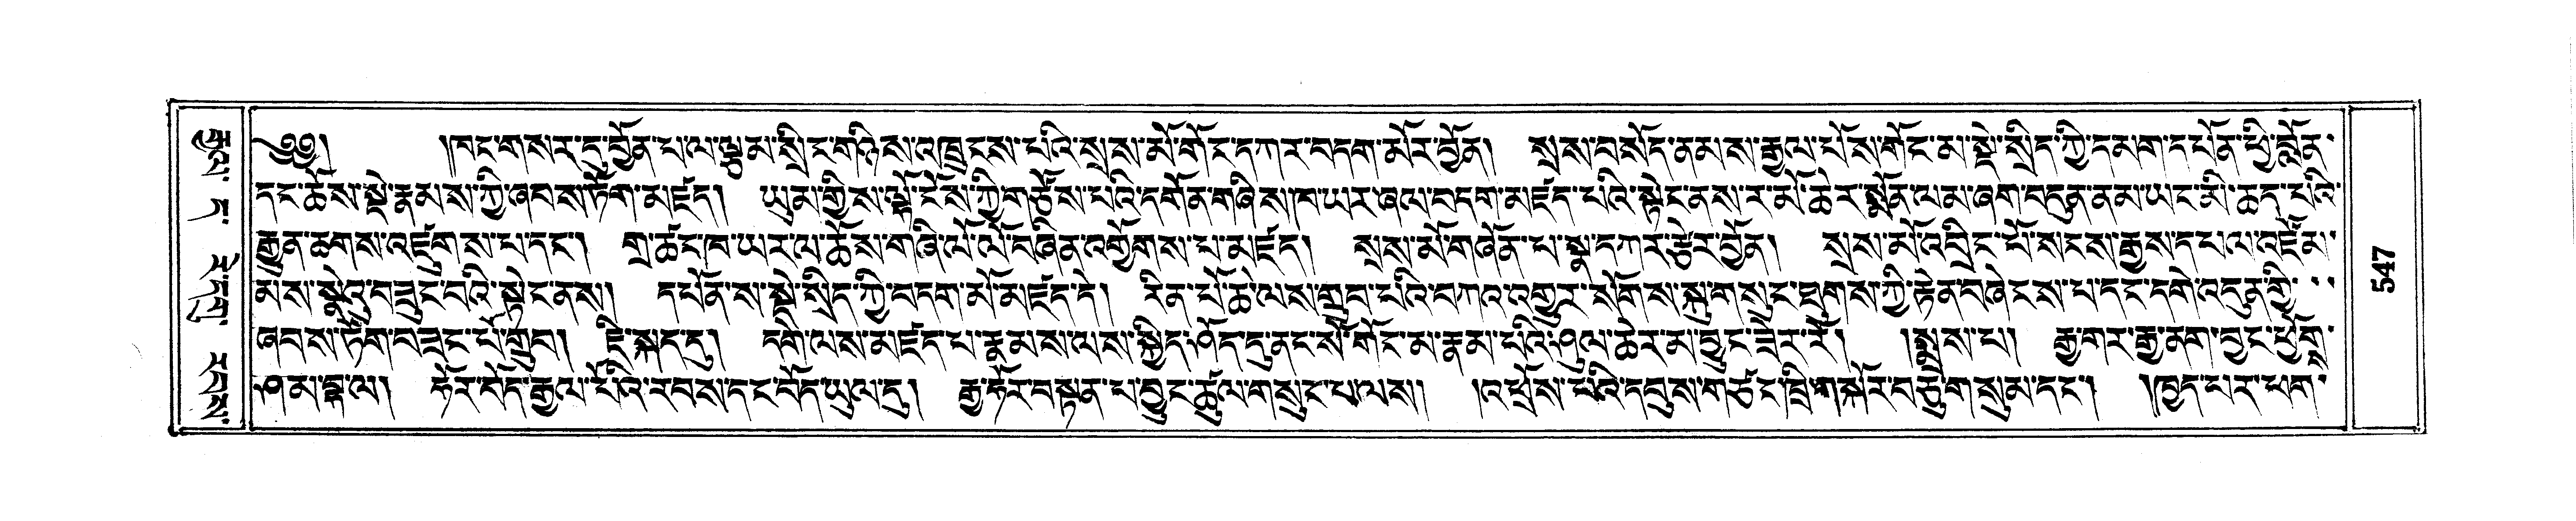༄༅། །ཁང་གསར་དུ་བྱོན་པ་ལ་ལྕམ་སྲིང་གཉིས་འཁྲུངས་པའི་སྲས་མོ་གོང་དཀར་བདག་མོར་བྱོན། སྲས་བསོད་ནམས་རྒྱལ་པོས་གོང་མ་སྡེ་སྲིད་ཀྱི་དམག་དཔོན་ཕྱི་བློན་
དང་ཆོས་སྡེ་རྣམས་ཀྱི་ཞབས་ཏོག་མཛད། ཡུམ་གྱིས་ལྷོ་ངོས་ཀྱི་གཙོས་པའི་དགོན་གཞིས་ཁ་ཡར་ཞལ་བདག་མཛད་པའི་སྟེང་ནས་ར་མོ་ཆེར་སྨོན་ལམ་ཞག་བདུན་ནམ་ཡང་མི་ཆད་པའི་
རྒྱུན་ཆགས་འཛུགས་པ་དང་། གྲ་ཚང་ཁ་ཡར་ལ་ཆོས་གཞི་ལོ་ལོ་བཞིན་འགྱོགས་པ་མཛད། སྲས་མོ་གཞོན་པ་སྣ་དཀར་རྩེར་བྱོན། སྲས་མོ་འབྲིང་པོ་སངས་རྒྱས་དཔལ་འཛོམ་
མས་སྣེའུ་བཟུང་བའི་སྟེང་ནས། དཔོན་ས་སྡེ་སྲིད་ཀྱི་བདག་མོ་མཛད་དེ། རིན་པོ་ཆེ་ལས་གྲུབ་པའི་བཀའ་འགྱུར་སོགས་སྐུ་གསུང་ཐུགས་ཀྱི་རྟེན་བཞེངས་པ་དང་དགེ་འདུན་གྱི་
ཞབས་ཏོག་བཟང་པོ་གྲུབ། ཇི་སྐད་དུ། དགེ་ལས་མཛད་པ་རྣམས་ལས་སྐྱིད་ཤོད་དུ་ནང་སོ་གོང་མ་རྣམ་པའི་ཤུལ་ཆེར་མ་བྱུང་ཟེར་རོ། །སྨྲས་པ། རྒྱ་གར་རྒྱ་ནག་བྱང་ཕྱོགས་
ཤམ་བྷ་ལ། ཧོར་བོད་རྒྱལ་པོའི་རབས་དང་བོད་ཡུལ་དུ། རྒྱ་ཧོར་བསྟན་པ་བྱུང་ཚུལ་གསུང་པ་ལས། །འཕྲོས་པའི་དབུས་གཙང་ཁྲི་གསྐོར་བཅུ་གསུམ་དང་། །ཁྱད་པར་ཕག་